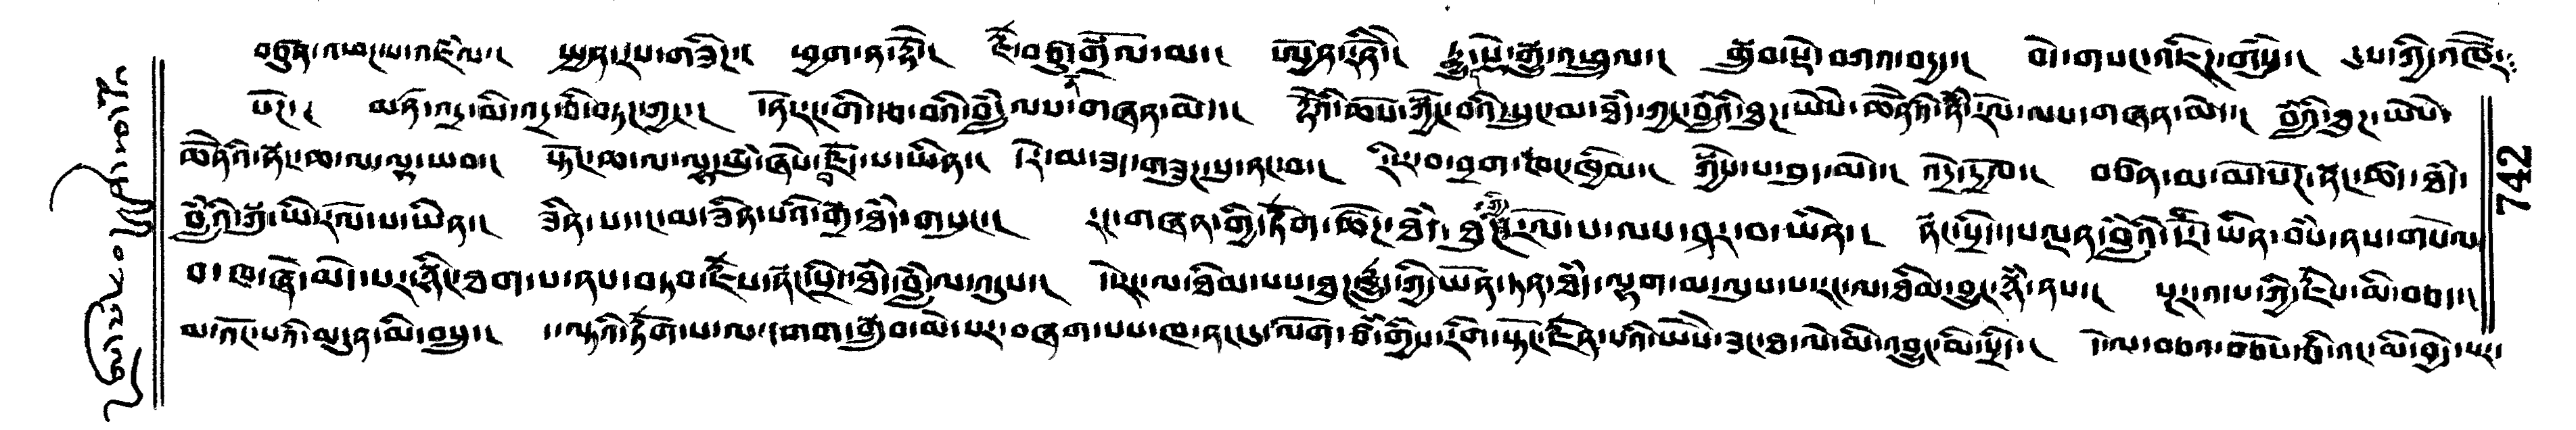བཙུན་འཕགས་པ་འཇམ་དཔལ། སྤྱན་རས་གཟིགས། ཕྱག་ན་རྡོ་རྗེ། རྗེ་བཙུན་སྒྲོལ་མ། ཨོ་རྒྱན་རིན་པོ་ཆེ། རྒྱུད་སྡེ་སྒྱུ་འཕྲུལ། སྒྲུབ་སྡེ་བཀའ་བརྒྱད། བདེ་གསང་འཇིགས་གསུམ། དུས་ཀྱི་འཁོར་
ལོ་སོགས། མཚན་འདྲ་མི་འདྲ་ཅི་བཏགས་ཀྱང་། དོན་རང་གི་རྩ་བའི་བླ་མ་ལས་གཞན་མེད། རྡོ་རྗེའི་ཆོས་སྐྱོང་བའི་སྲུང་མ་ཐམས་ཅད་ཀྱང་བླ་མའི་ཐུགས་ཡེ་ཤེས་
ཆེན་པོའི་རྣམ་རོལ་ལས་གཞན་མེད། བླ་མའི་ཐུགས་ཡེ་ཤེས་ཆེན་པོའི་སྣང་ཆ་ལ་ལྷ་ཡབ། སྟོང་ཆ་ལ་ལྷ་ཡུམ་ཞེས་བརྗོད་པ་ཡིན། དེར་མ་ཟད་གཟུགས་སུ་སྣང་བ། རི་རབ་བྲག་ཁང་ཁྱིམ། སྐྱེས་པ་བུད་མེད། འདྲེ་རྒྱལ་པོ། བཙན་མ་མོ་སོགས་སྣང་ཚད་ཐམས་ཅད་
བླ་མའི་སྐུ་ཡི་རོལ་པ་ཡིན། ཟིན་པ་དང་མ་ཟིན་པའི་སྒྲ་ཐམས་ཅད་གསུང་། རང་གཞན་གྱི་རྟོག་ཚོགས་ཐམས་ཅད་ཐུགས་ཀྱི་རོལ་པ་ལས་ཤར་བ་ཡིན། སྣང་སྲིད་དཔལ་ལྡན་བླ་མའི་རོལ་པ་ཡིན་བསམ་ནས་གསོལ་
བ་ཁ་ཞེ་མེད་པར་སྙིང་ཐག་པ་ནས་བཏབ་རྗེས་སྣང་སྲིད་ཐམས་ཅད་བླ་ལ་འདུས། དེ་རང་ལ་ཐིམ་པས་ཐུགས་རྒྱུད་ཀྱི་ཡོན་ཏན་ཐམས་ཅད་ལྷག་མ་མ་ལུས་པ་རང་ལ་ཐིམ་བྱུང་སྙམ་ནས། སྔར་འདས་ཀྱི་རྗེས་མི་བཅད། 
མ་འོངས་པའི་མདུན་མི་བསུ། ད་ལྟའི་རྟོག་པ་ལ་དགག་སྒྲུབ་མེད་པར་བཞག་པས་ཁ་ནང་དུ་ལོག་ཙམ་གྱིས་རིག་སྟོངརྗེན་པའི་ཡེ་ཤེས་ཟང་ཐ་ལེ་མི་འབྱུང་མི་སྲིད། དེ་ལ་བཅའ་བཅོས་ཅི་འང་མི་བྱེད་པར་